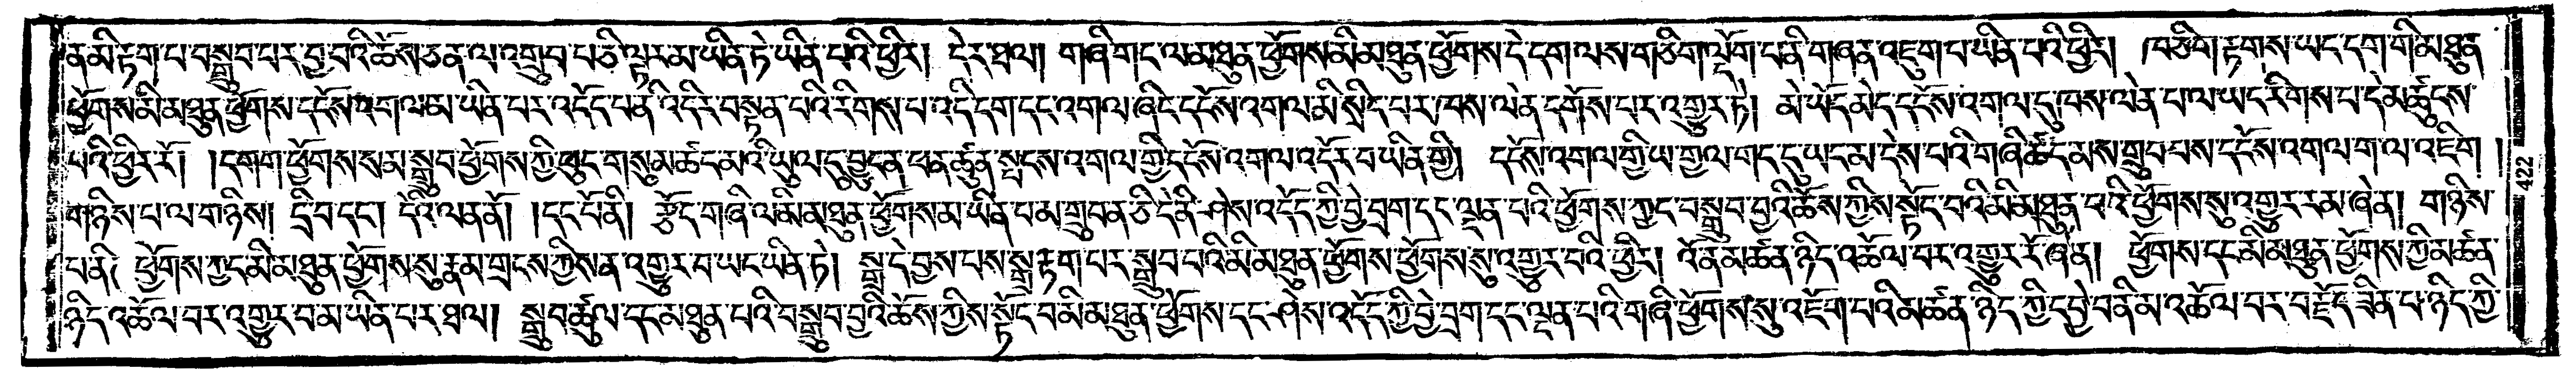ན་མི་རྟག་པ་བསྒྲུབ་པར་བྱ་བའི་ཆོས་ཅན་ལ་འགྲུབ་པ་ཅི་ལྟར་མ་ཡིན་ཏེ་ཡིན་པའི་ཕྱིར། དེར་ཐལ། གཞི་གང་ལ་མཐུན་ཕྱོགས་མི་མཐུན་ཕྱོགས་དེ་དག་ལས་གཅིག་ལྡོག་པ་ནི་གཞན་འཇུག་པ་ཡིན་པའི་ཕྱིར། ཁ་ཅིག་རྟགས་ཡང་དག་གི་མཐུན་
ཕྱོགས་མི་མཐུན་ཕྱོགས་དངོས་འགལ་མ་ཡིན་པར་འདོད་པ་ནི་འདིར་བསྟན་པའི་རིགས་པ་འདི་དག་དང་འགལ་ཞིང་དངོས་འགལ་མི་སྲིད་པར་ཁས་ལེན་དགོས་པར་འགྱུར་ཏེ། མེ་ཡོད་མེད་དངོས་འགལ་དུ་ཁས་ལེན་པ་ལ་ཡང་རིགས་པ་དེ་མཚུངས་
པའི་ཕྱིར་རོ། །དགག་ཕྱོགས་སམ་སྒྲུབ་ཕྱོགས་ཀྱི་ཕུང་གསུམ་ཚད་མའི་ཡུལ་དུ་བྱུང་ན་ཕན་ཚུན་སྤངས་འགལ་གྱི་དངོས་འགལ་འདོར་བ་ཡིན་གྱི། དངོས་འགལ་གྱི་ཡ་གྱལ་གང་དུ་ཡང་མ་དེས་པའི་གཞི་ཚད་མས་གྲུབ་པས་དངོས་འགལ་ག་ལ་འཇིག །
གཉིས་པ་ལ་གཉིས། དྲི་བ་དང་། དེའི་ལན་ནོ། །དང་པོ་ནི། རྩོད་གཞི་ལ་མི་མཐུན་ཕྱོགས་མ་ཡིན་པ་མ་གྲུབ་ན་ཅི་དེ་ནི་ཤེས་འདོད་ཀྱི་བྱེ་བྲག་དང་ལྡན་པའི་ཕྱོགས་ཀྱང་བསྒྲུབ་བྱའི་ཆོས་ཀྱིས་སྟོང་བའི་མི་མཐུན་པའི་ཕྱོགས་སུ་འགྱུར་རམ་ཞེ་ན། གཉིས་
པ་ནི༑ ཕྱོགས་ཀྱང་མི་མཐུན་ཕྱོགས་སུ་རྣམ་གྲངས་ཀྱིས་ན་འགྱུར་བ་ཡང་ཡིན་ཏེ། སྒྲ་དེ་བྱས་པས་སྒྲ་རྟག་པར་སྒྲུབ་པའི་མི་མཐུན་ཕྱོགས་ཕྱོགས་སུ་འགྱུར་བའི་ཕྱིར། འོ་ན་མཚན་ཉིད་འཆོལ་བར་འགྱུར་རོ་ཞེ་ན། ཕྱོགས་དང་མི་མཐུན་ཕྱོགས་ཀྱི་མཚན་
ཉིད་འཆོལ་བར་འགྱུར་བ་མ་ཡིན་པར་ཐལ། སྒྲུབ་ཚུལ་དང་མཐུན་པའི་བསྒྲུབ་བྱའི་ཆོས་ཀྱིས་སྟོང་བ་མི་མཐུན་ཕྱོགས་དང་ཤེས་འདོད་ཀྱི་བྱེ་བྲག་དང་ལྡན་པའི་གཞི་ཕྱོགས་སུ་འཇོག་པའི་མཚན་ཉིད་ཀྱི་དབྱེ་བ་ནི་མ་འཆོལ་བར་བརྗོད་ཟིན་པ་ཉིད་ཀྱི་